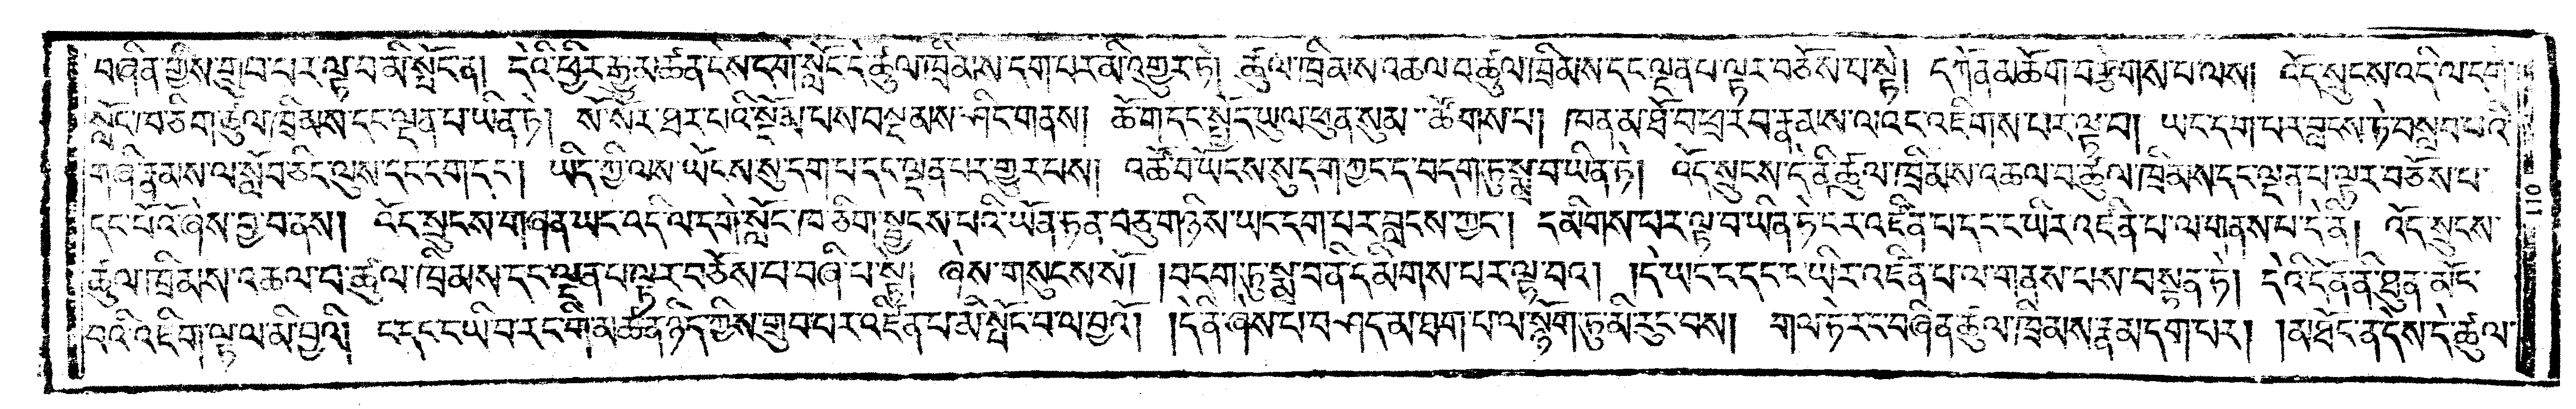བཞིན་གྱིས་གྲུབ་པར་ལྟ་བ་མི་སྤོང་ན། དེའི་ཕྱིར་རྒྱུ་མཚན་དེས་དགེ་སློང་དེ་ཚུལ་ཁྲིམས་དག་པར་མི་འགྱུར་ཏེ། ཚུལ་ཁྲིམས་འཆལ་བ་ཚུལ་ཁྲིམས་དང་ལྡན་པ་ལྟར་བཅོས་པ་སྟེ། དཀོན་མཆོག་བརྩེགས་པ་ལས། འོད་སྲུངས་འདི་ལ་དགེ་
སློང་ཁ་ཅིག་ཚུལ་ཁྲིམས་དང་ལྡན་པ་ཡིན་ཏེ། སོ་སོར་ཐར་པའི་སྡོམ་པས་བསྡམས་ཤིང་གནས། ཆོ་ག་དང་སྤྱོད་ཡུལ་ཕུན་སུམ་ཚོགས་པ། ཁ་ན་མ་ཐོ་བ་ཕྲ་རབ་རྣམས་ལའང་འཇིགས་པར་ལྟ་བ། ཡང་དག་པར་བླངས་ཏེ་བསླབ་པའི་
གཞི་རྣམས་ལ་སློབ་ཅིང་ལུས་དང་ངག་དང་། ཡིད་ཀྱི་ལས་ཡོངས་སུ་དག་པ་དང་ལྡན་པར་གྱུར་པས། འཚོ་བ་ཡོངས་སུ་དག་ཀྱང་ད་བདག་ཏུ་སྨྲ་བ་ཡིན་ཏེ། འོད་སྲུངས་དེ་ནི་ཚུལ་ཁྲིམས་འཆལ་བ་ཚུལ་ཁྲིམས་དང་ལྡན་པ་ལྟར་བཅོས་པ་
དང་པོའོ་ཞེས་བྱ་བ་ནས། འོད་སྲུངས་གཞན་ཡང་འདི་ལ་དགེ་སློང་ཁ་ཅིག་སྦྱངས་པའི་ཡོན་ཏན་བཅུ་གཉིས་ཡང་དག་པར་བླངས་ཀྱང་། དམིགས་པར་ལྟ་བ་ཡིན་ཏེ་ངར་འཛིན་པ་དང་ང་ཡིར་འཛིན་པ་ལ་གནས་པ་དེ་ནི། འོད་སྲུངས་
ཚུལ་ཁྲིམས་འཆལ་བ་ཚུལ་ཁྲིམས་དང་ལྡན་པ་ལྟར་བཅོས་པ་བཞི་པ་སྟེ། ཞེས་གསུངས་སོ། །བདག་ཏུ་སྨྲ་བ་ནི་དམིགས་པར་ལྟ་བའོ། །དེ་ཡང་ང་དང་ང་ཡིར་འཛིན་པ་ལ་གནས་པས་བསྟན་ཏེ། དེའི་དོན་ནི་ཐུན་མོང་
བའི་འཇིག་ལྟ་ལ་མི་བྱའི། ང་དང་ང་ཡི་བ་རང་གི་མཚན་ཉིད་ཀྱིས་གྲུབ་པར་འཛིན་པ་མི་སྤོང་བ་ལ་བྱའོ། །དེ་ནི་ཞེས་པ་བཤད་མ་ཐག་པ་ལ་སྙོག་ཏུ་མི་རུང་བས། གལ་ཏེ་རང་བཞིན་ཚུལ་ཁྲིམས་རྣམ་དག་པར། །མཐོང་ན་དེས་དེ་ཚུལ་